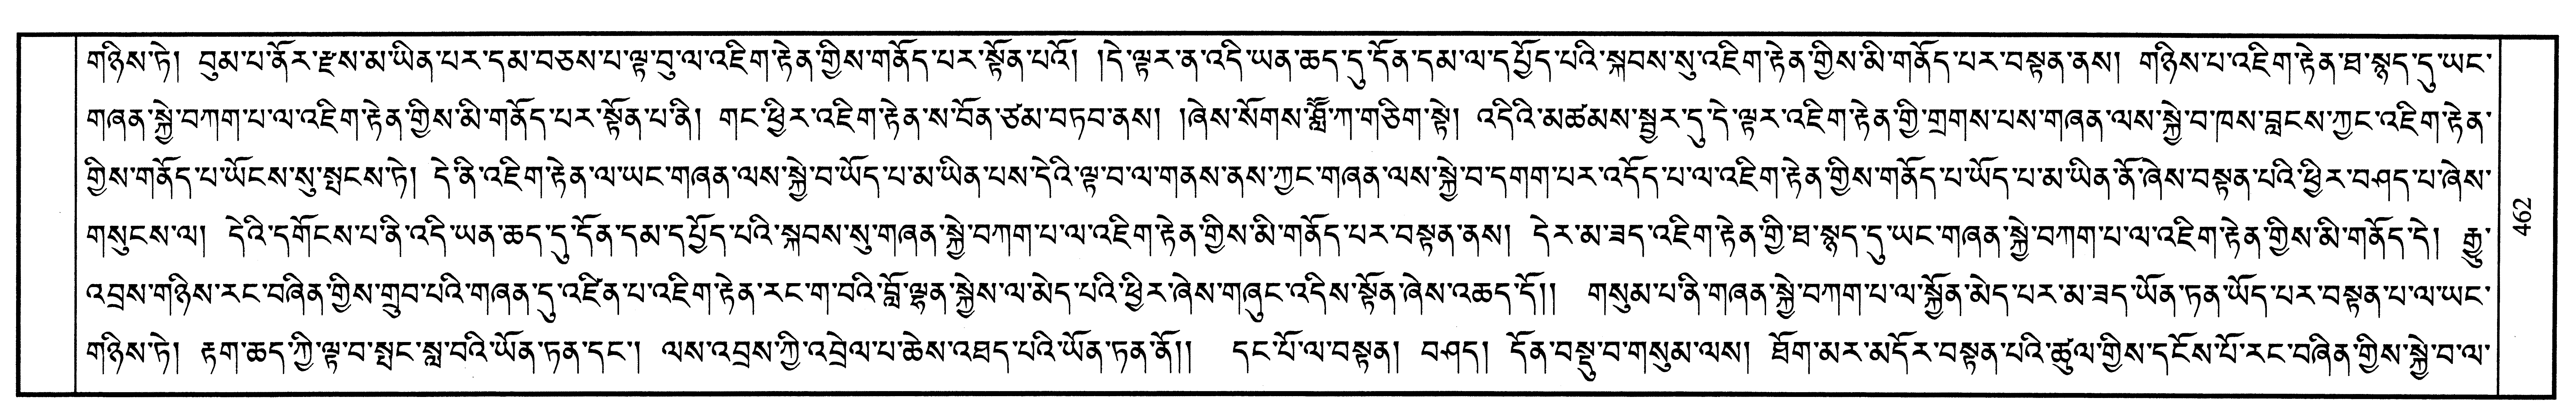གཉིས་ཏེ། བུམ་པ་ནོར་རྫས་མ་ཡིན་པར་དམ་བཅས་པ་ལྟ་བུ་ལ་འཇིག་རྟེན་གྱིས་གནོད་པར་སྟོན་པའོ། །དེ་ལྟར་ན་འདི་ཡན་ཆད་དུ་དོན་དམ་ལ་དཔྱོད་པའི་སྐབས་སུ་འཇིག་རྟེན་གྱིས་མི་གནོད་པར་བསྟན་ནས། གཉིས་པ་འཇིག་རྟེན་ཐ་སྙད་དུ་ཡང་
གཞན་སྐྱེ་བཀག་པ་ལ་འཇིག་རྟེན་གྱིས་མི་གནོད་པར་སྟོན་པ་ནི། གང་ཕྱིར་འཇིག་རྟེན་ས་བོན་ཙམ་བཏབ་ནས། །ཞེས་སོགས་ཤླཽ་ཀ་གཅིག་སྟེ། འདིའི་མཚམས་སྦྱར་དུ་དེ་ལྟར་འཇིག་རྟེན་གྱི་གྲགས་པས་གཞན་ལས་སྐྱེ་བ་ཁས་བླངས་ཀྱང་འཇིག་རྟེན་
གྱིས་གནོད་པ་ཡོངས་སུ་སྤངས་ཏེ། དེ་ནི་འཇིག་རྟེན་ལ་ཡང་གཞན་ལས་སྐྱེ་བ་ཡོད་པ་མ་ཡིན་པས་དེའི་ལྟ་བ་ལ་གནས་ནས་ཀྱང་གཞན་ལས་སྐྱེ་བ་དགག་པར་འདོད་པ་ལ་འཇིག་རྟེན་གྱིས་གནོད་པ་ཡོད་པ་མ་ཡིན་ནོ་ཞེས་བསྟན་པའི་ཕྱིར་བཤད་པ་ཞེས་
གསུངས་ལ། དེའི་དགོངས་པ་ནི་འདི་ཡན་ཆད་དུ་དོན་དམ་དཔྱོད་པའི་སྐབས་སུ་གཞན་སྐྱེ་བཀག་པ་ལ་འཇིག་རྟེན་གྱིས་མི་གནོད་པར་བསྟན་ནས། དེར་མ་ཟད་འཇིག་རྟེན་གྱི་ཐ་སྙད་དུ་ཡང་གཞན་སྐྱེ་བཀག་པ་ལ་འཇིག་རྟེན་གྱིས་མི་གནོད་དེ། རྒྱུ་
འབྲས་གཉིས་རང་བཞིན་གྱིས་གྲུབ་པའི་གཞན་དུ་འཛིན་པ་འཇིག་རྟེན་རང་ག་བའི་བློ་ལྷན་སྐྱེས་ལ་མེད་པའི་ཕྱིར་ཞེས་གཞུང་འདིས་སྟོན་ཞེས་འཆད་དོ།། གསུམ་པ་ནི་གཞན་སྐྱེས་བཀག་པ་ལ་སྐྱོན་མེད་པར་མ་ཟད་ཡོན་ཏན་ཡོད་པར་བསྟན་པ་ལ་ཡང་
གཉིས་ཏེ། རྟག་ཆད་ཀྱི་ལྟ་བ་སྤང་སླ་བའི་ཡོན་ཏན་དང་། ལས་འབྲས་ཀྱི་འབྲེལ་བ་ཆེས་འཐད་པའི་ཡོན་ཏན་ནོ།། དང་པོ་ལ་བསྟན། བཤད། དོན་བསྡུ་བ་གསུམ་ལས། ཐོག་མར་མདོར་བསྟན་པའི་ཚུལ་གྱིས་དངོས་པོ་རང་བཞིན་གྱིས་སྐྱེ་བ་ལ་